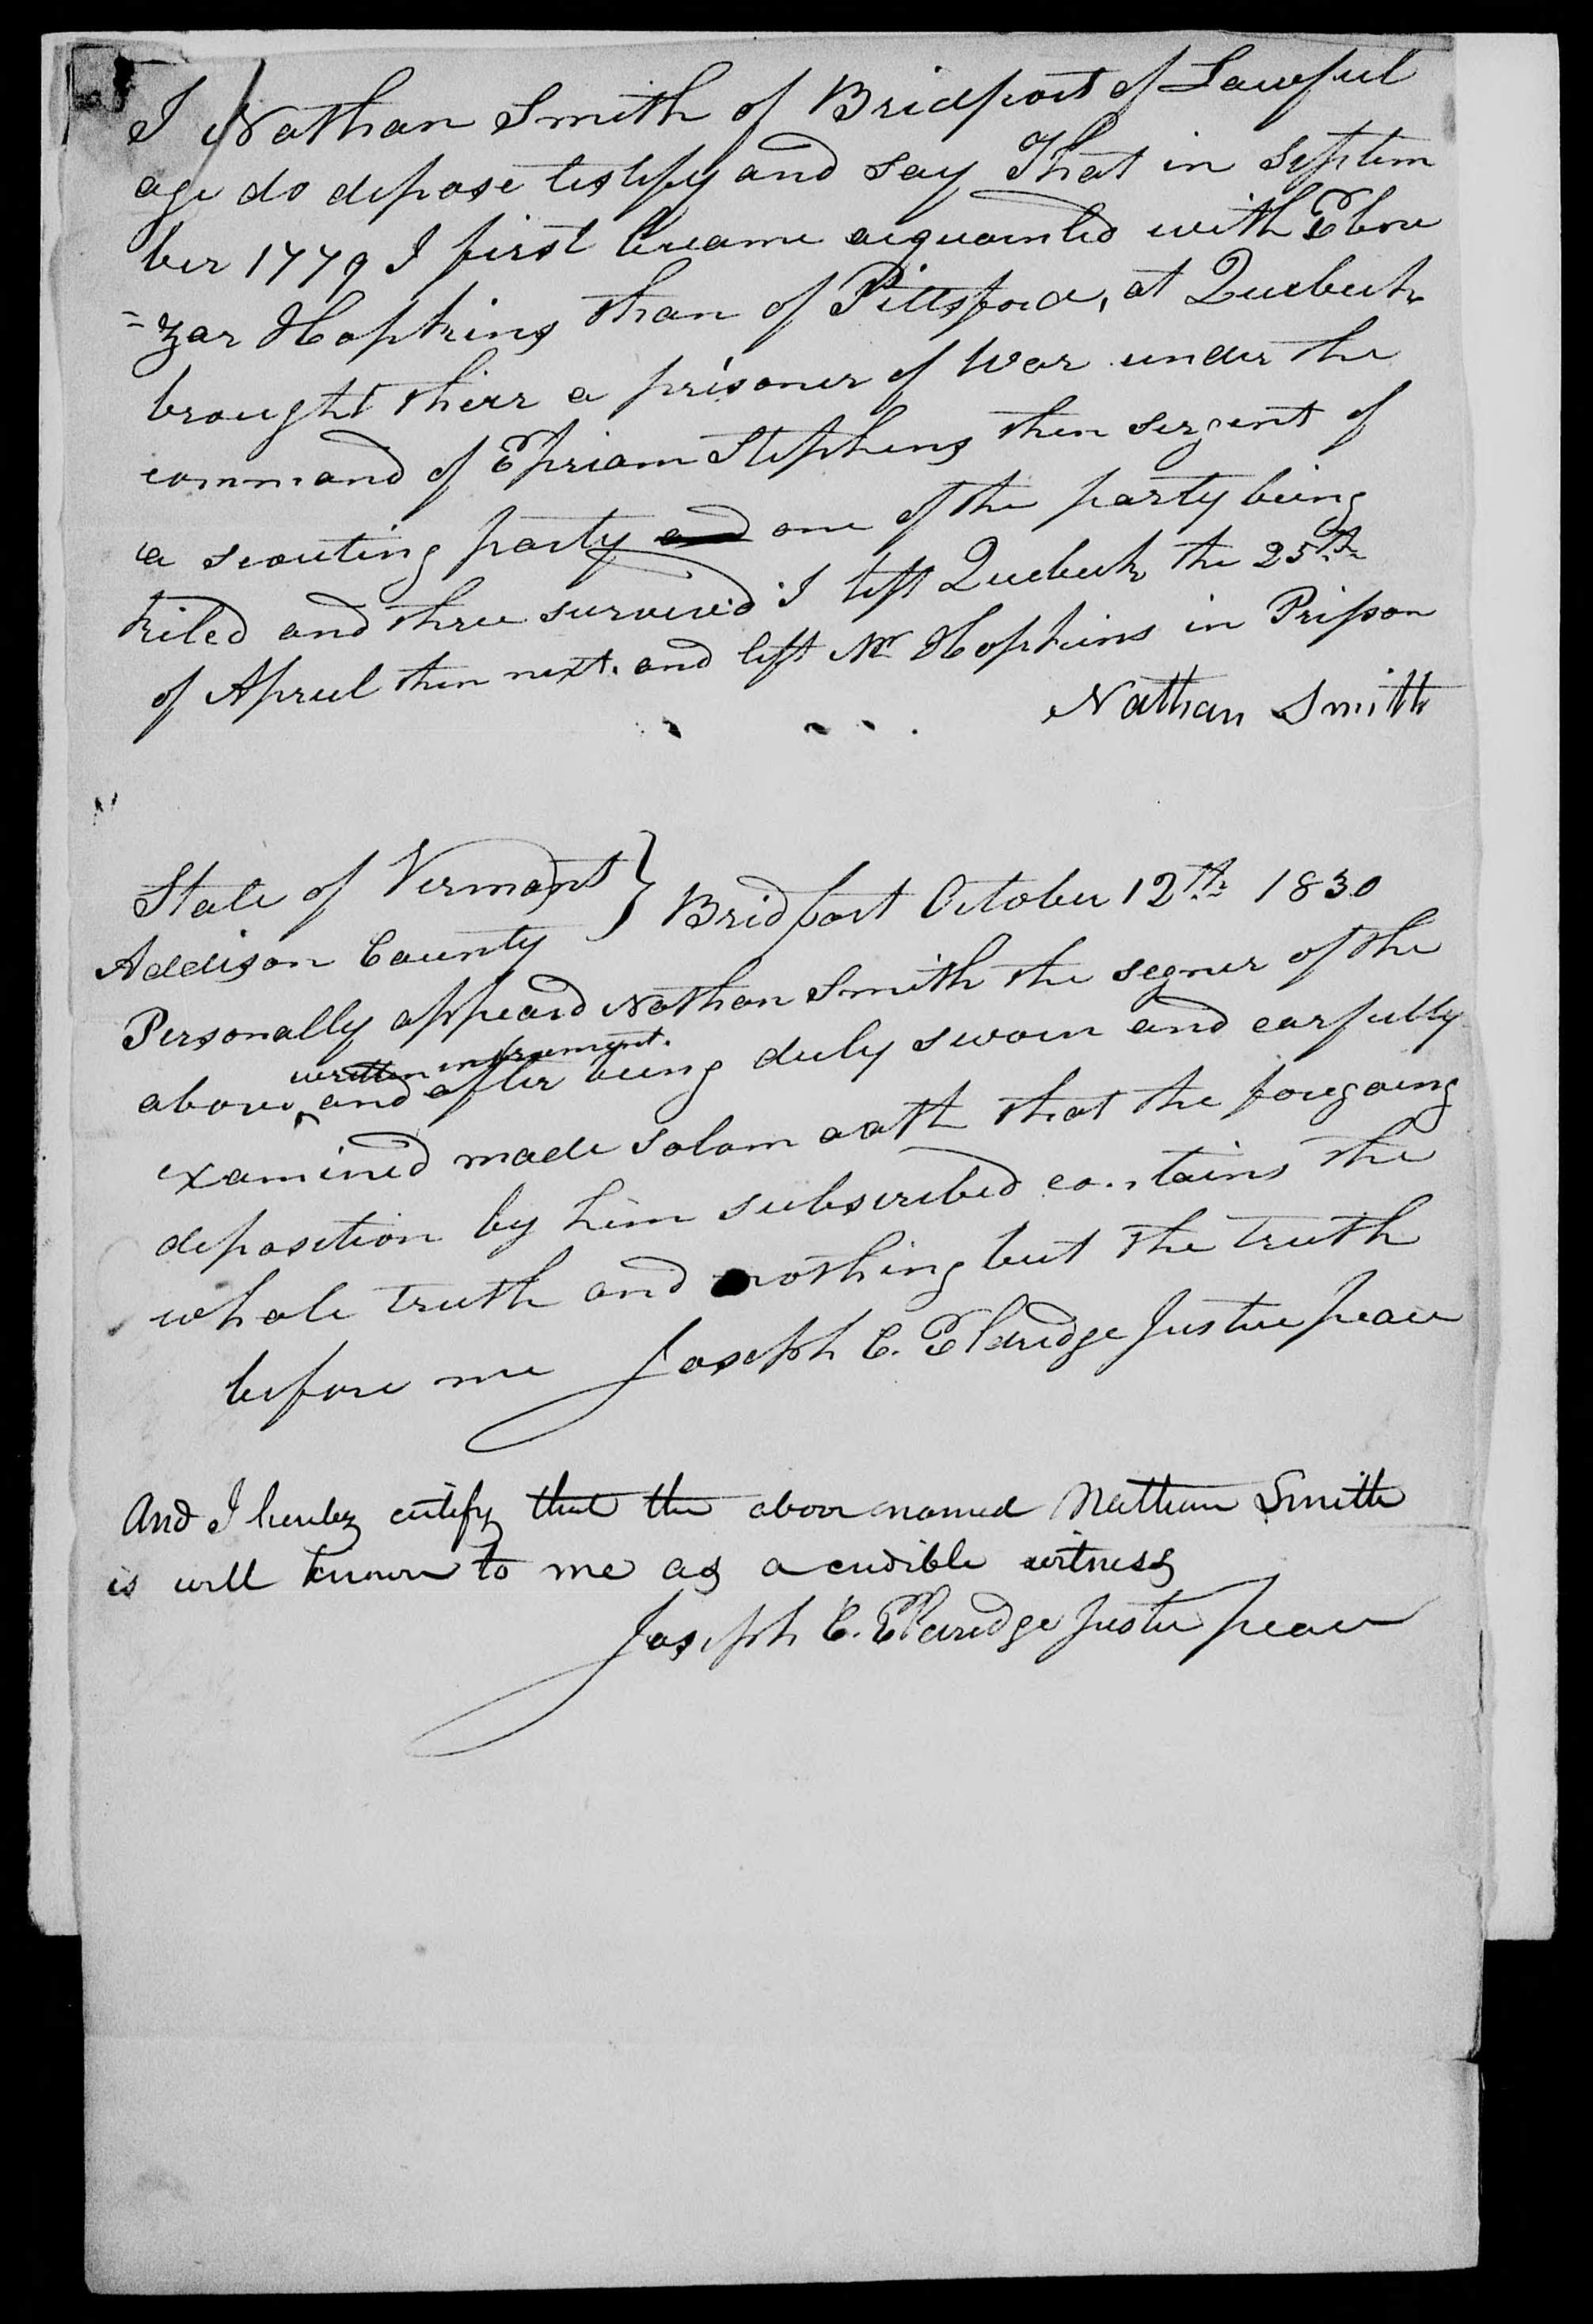I Nathan Smith of Bridport of Lawful age do depose testify and say That in September 1779 I first became acquainted with Ebenezer Hopkins than of Pittsford, at Quebeck brought their a prisoner of war under the command of Ephriam Stephens then sergent of a scouting party one of the party being
killed and three survived I left Quebeck the 25th of April then next and left Mr Hopkins in Prison
Nathan Smith


State of Vermont
Addison County ⎬  Bridport October 12th 1830
Personally appeared Nathan Smith the signer of the above written instrument after being duly sworn and carfully examined made solom oath that the foregoing deposition by him subscribed contains the whole truth and nothing but the truth
before me Joseph C. Eldridge Justice peace

And I hereby certify that the above named Nathan Smith
is well known to me as a credible witness
Joseph C. Eldredge Justice peace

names: Epriam Stephens, Joseph C Eldridge, Nathan Smith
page: 112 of 144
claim: rejected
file: R. 5208, Dennis Hopkins, N.C.